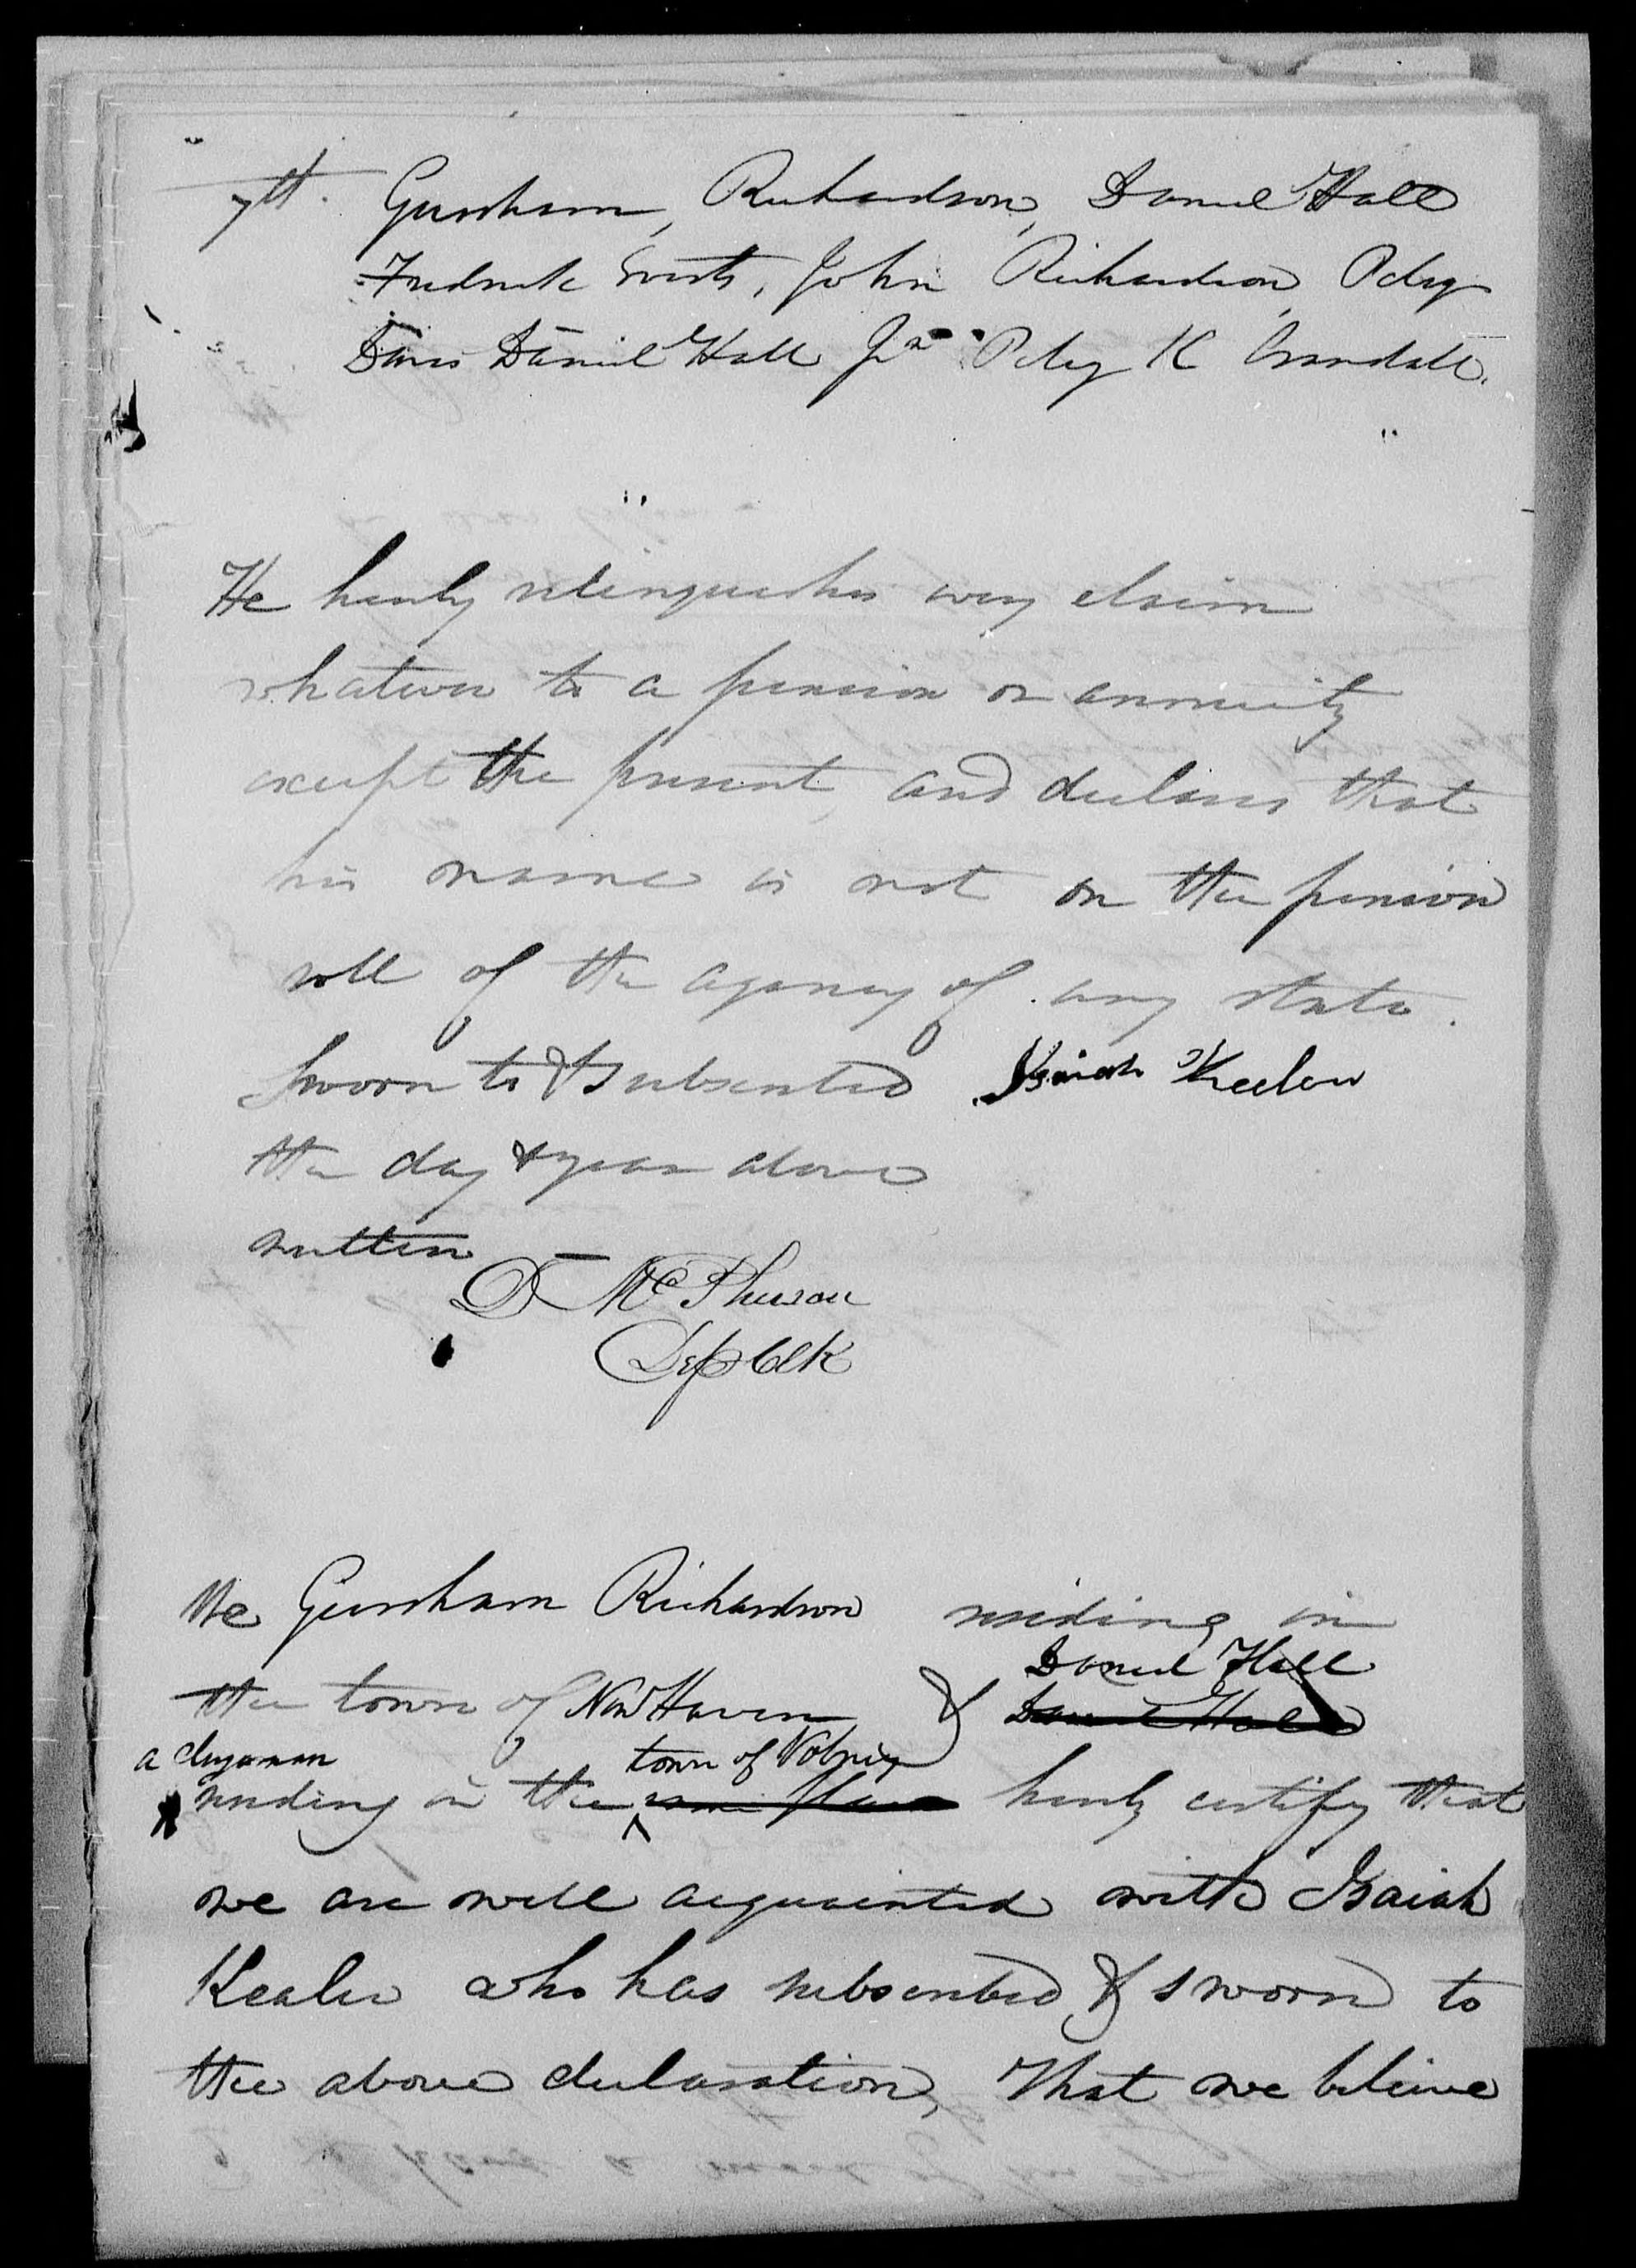7th Gursham, Richardson, Daniel Hall Fredrick Swits, John Richardson Peleg Davis  Daniel Hall Jr Peleg K Crandall

He hereby relinquishes every claim whatever to a pension or annuity except the present and declares that his name is not on the pension roll of the agency of any state 
[signed] Isaiah Keeler
Sworn to & subscribed the day & year above written –
[signed] D McPherson Dep Clk 

We Gursham Richardson residing in the town of New Haven & Daniel Hall a clergyman residing in the town of Volney herby certify that we are well acquainted with Isaiah Kealer [sic] who has subscribed & sworn the above declaration that we believe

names: John Richardson; Peleg Davis; Fredrick Swits; Isaiah Keeler; [BLANK] Richardson; Daniel Hall; Peleg K Crandall; D Mc Pherson; [BLANK] Gursham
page: 12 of 26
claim: survivor's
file: S. 13,625, for Isaiah Keeler, New York